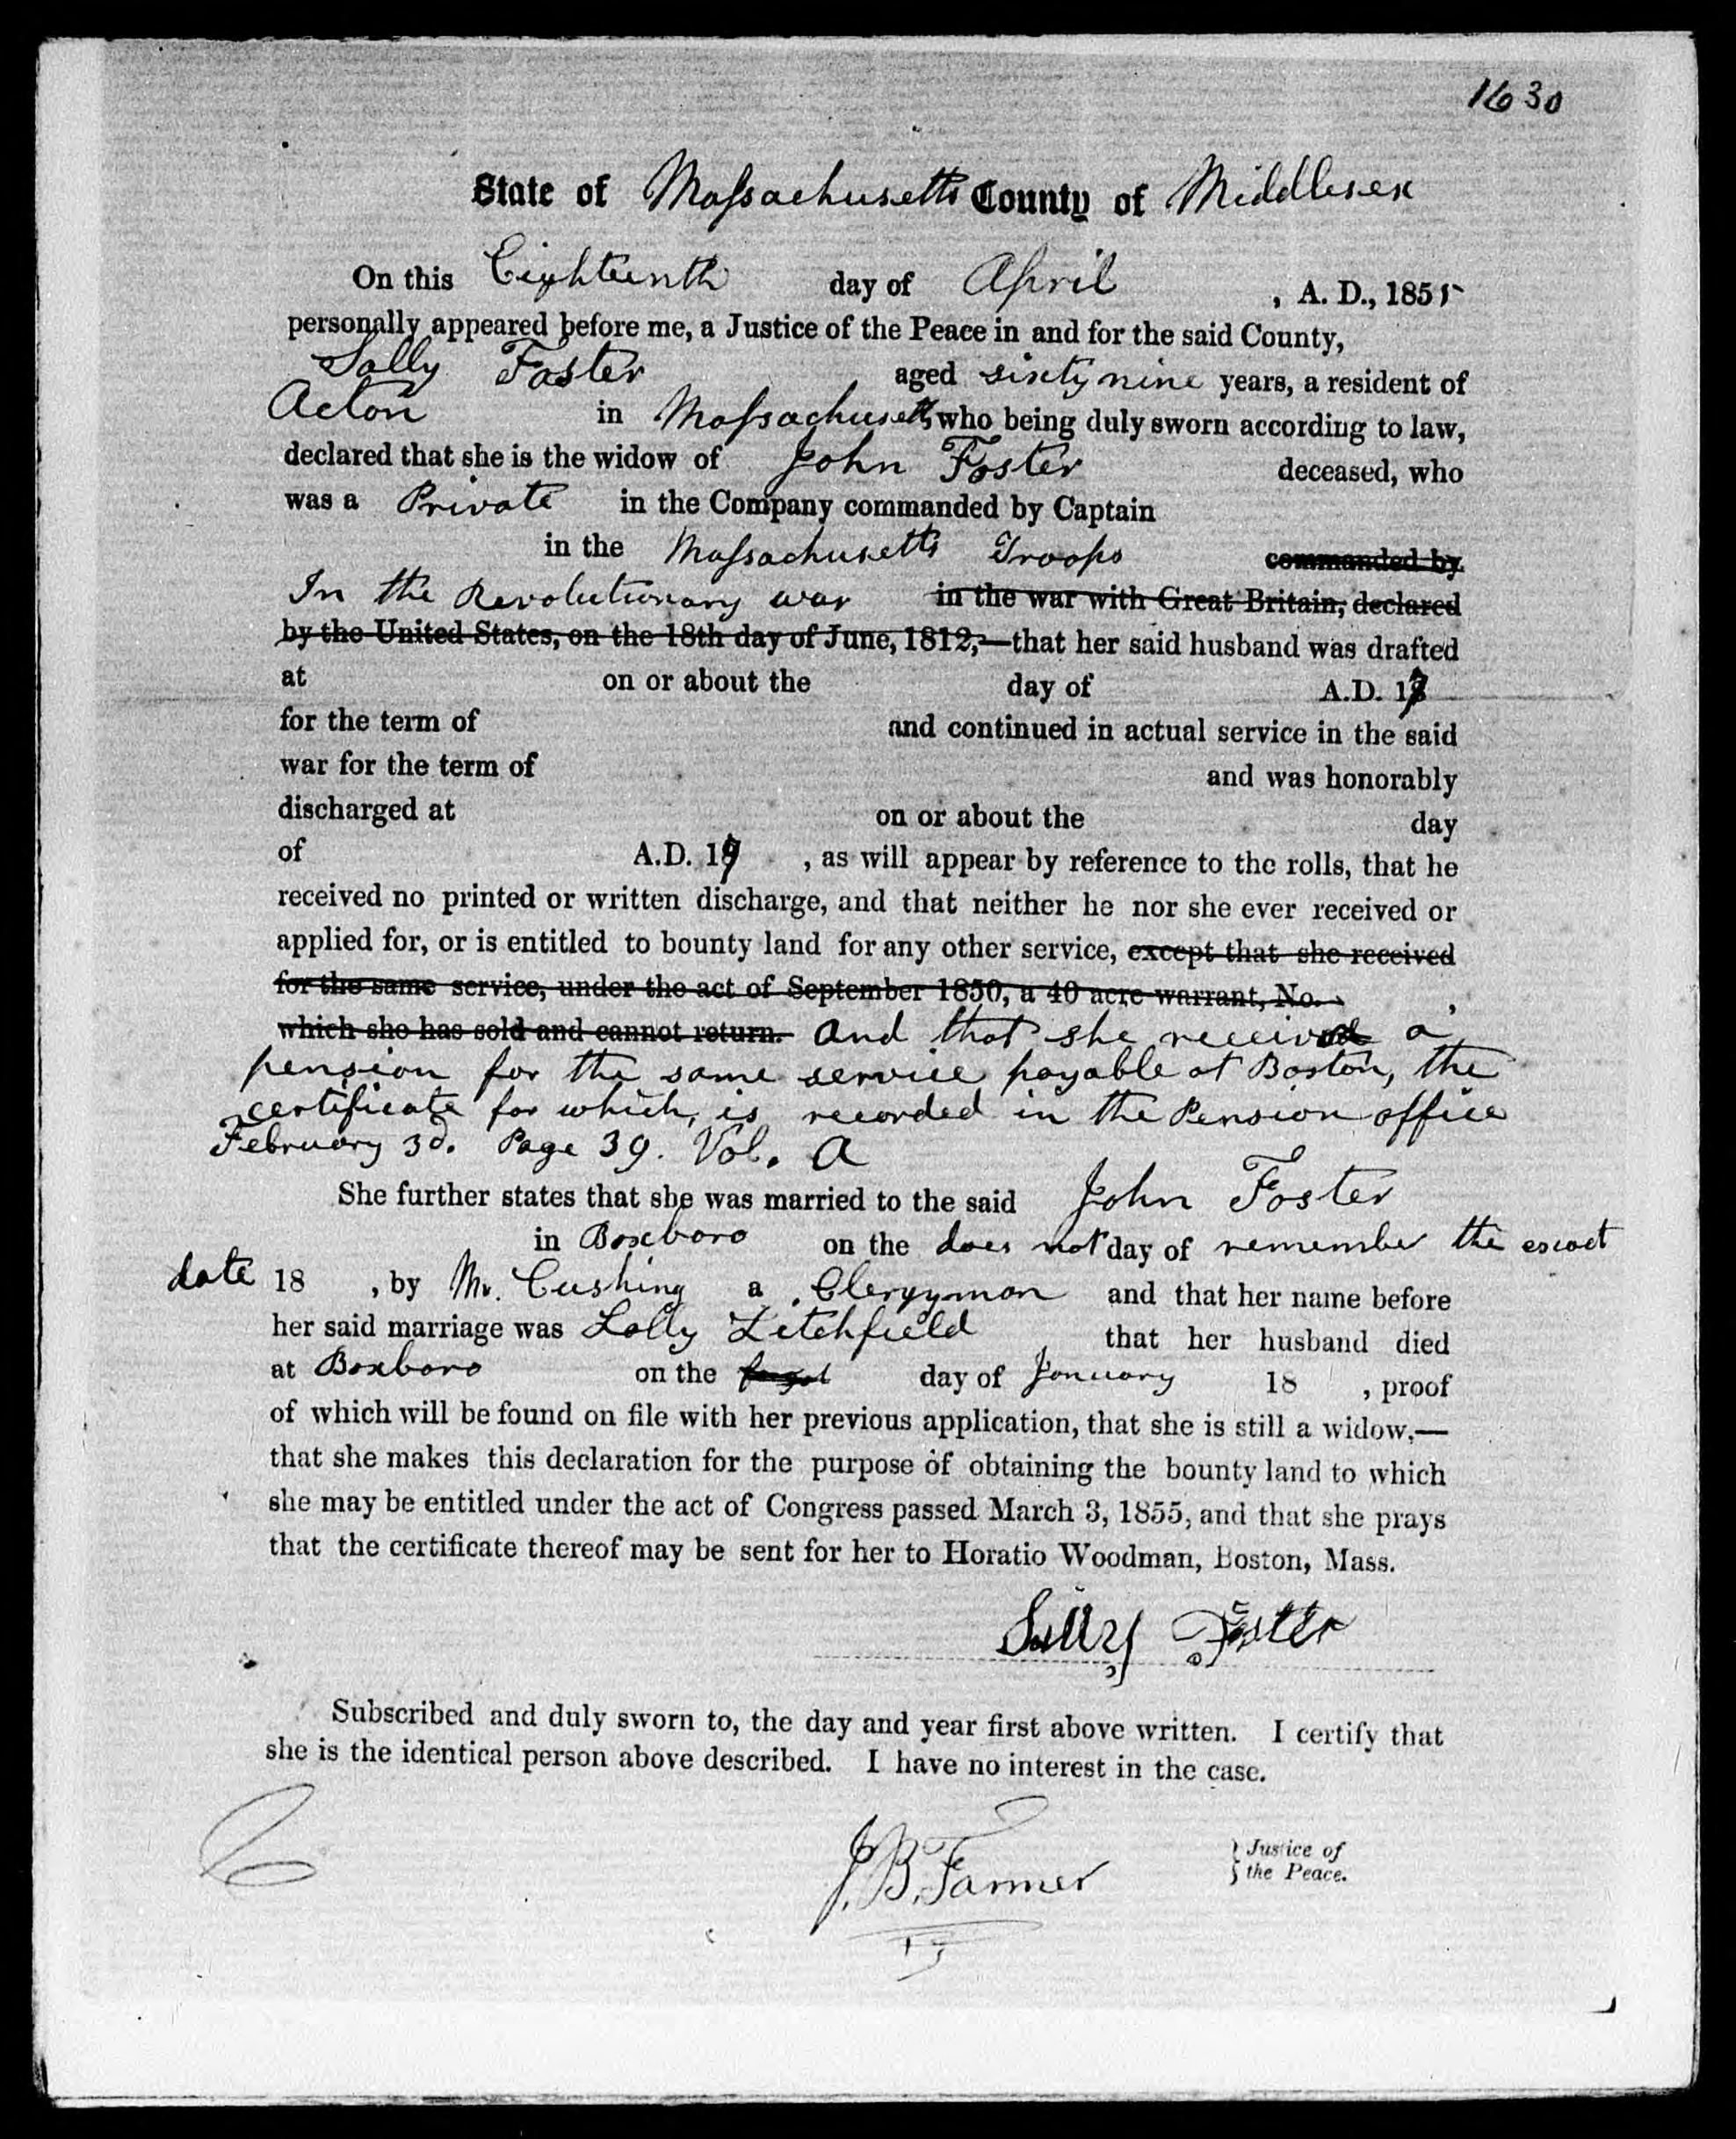1630
State of Massachusetts County of Middlesex
On this Eighteenth day of April, A. D., 1855 personally appeared before me, a Justice of the Peace in and for the said County, Sally Foster aged sixty nine years, a resident of Acton in Massachusetts who being duly sworn according to law, declared that she is the widow of John Foster deceased, who was a Private in the Company commanded by Captain ______________ in the Massachusetts Troops ["commanded by" crossed out] in the Revolutionary war ["in the war with Great Britain, declared by the United States, on the 18th day of June, 1812," crossed out]- that her said husband was drafted at ____________ on or about the _____ day of _________ A. D. 17__ for the term of __________ and continued in actual service in the said war for the term of __________________ and was honorably discharged at ___________________ on or about the ____________ day of A. D. 17__, as will appear by reference to the rolls, that he received no printed or written discharge, and that neither he nor she ever received or applied for, or is entitled to bounty land for any other service, ["except that she received for the same service, under the act of September 1850, a 40 acre warrant, No. _____, which she has sold and cannot return." crossed out]  And that she received a pension for the same service payable at Boston, the certificate for which, is recorded in the Pension office February 3d.  Page 39.  Vol. A
She further states that she was married to the said John Foster in Boxboro on the does not day of remember the exact date 18__, by Mr. Cushing a Clergyman and that her husband died at Boxboro on the [word crossed out] day of January 18__, proof of which will be found on file with her previous application, that she is still a widow,- that she makes this declaration for the purpose of obtaining the bounty land to which she may be entitled under the act of Congress passed March 3, 1855, and that she prays that the certificate thereof may be sent for her to Horatio Woodman, Boston, Mass.
Sally Foster
Subscribed and duly sworn to, the day and year first above written.  I certify that she is the identical person above described.  I have no interest in the case.
J. B. Farmer } Justice of the Peace.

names: Sally Litchfield, Sally Foster, J B Farmer, Sally Foster, Horatio Woodman, Cushing, John Foster, John Foster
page: 14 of 47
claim: widow's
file: W. 7,302, John Foster, Continental Mass. R.I.